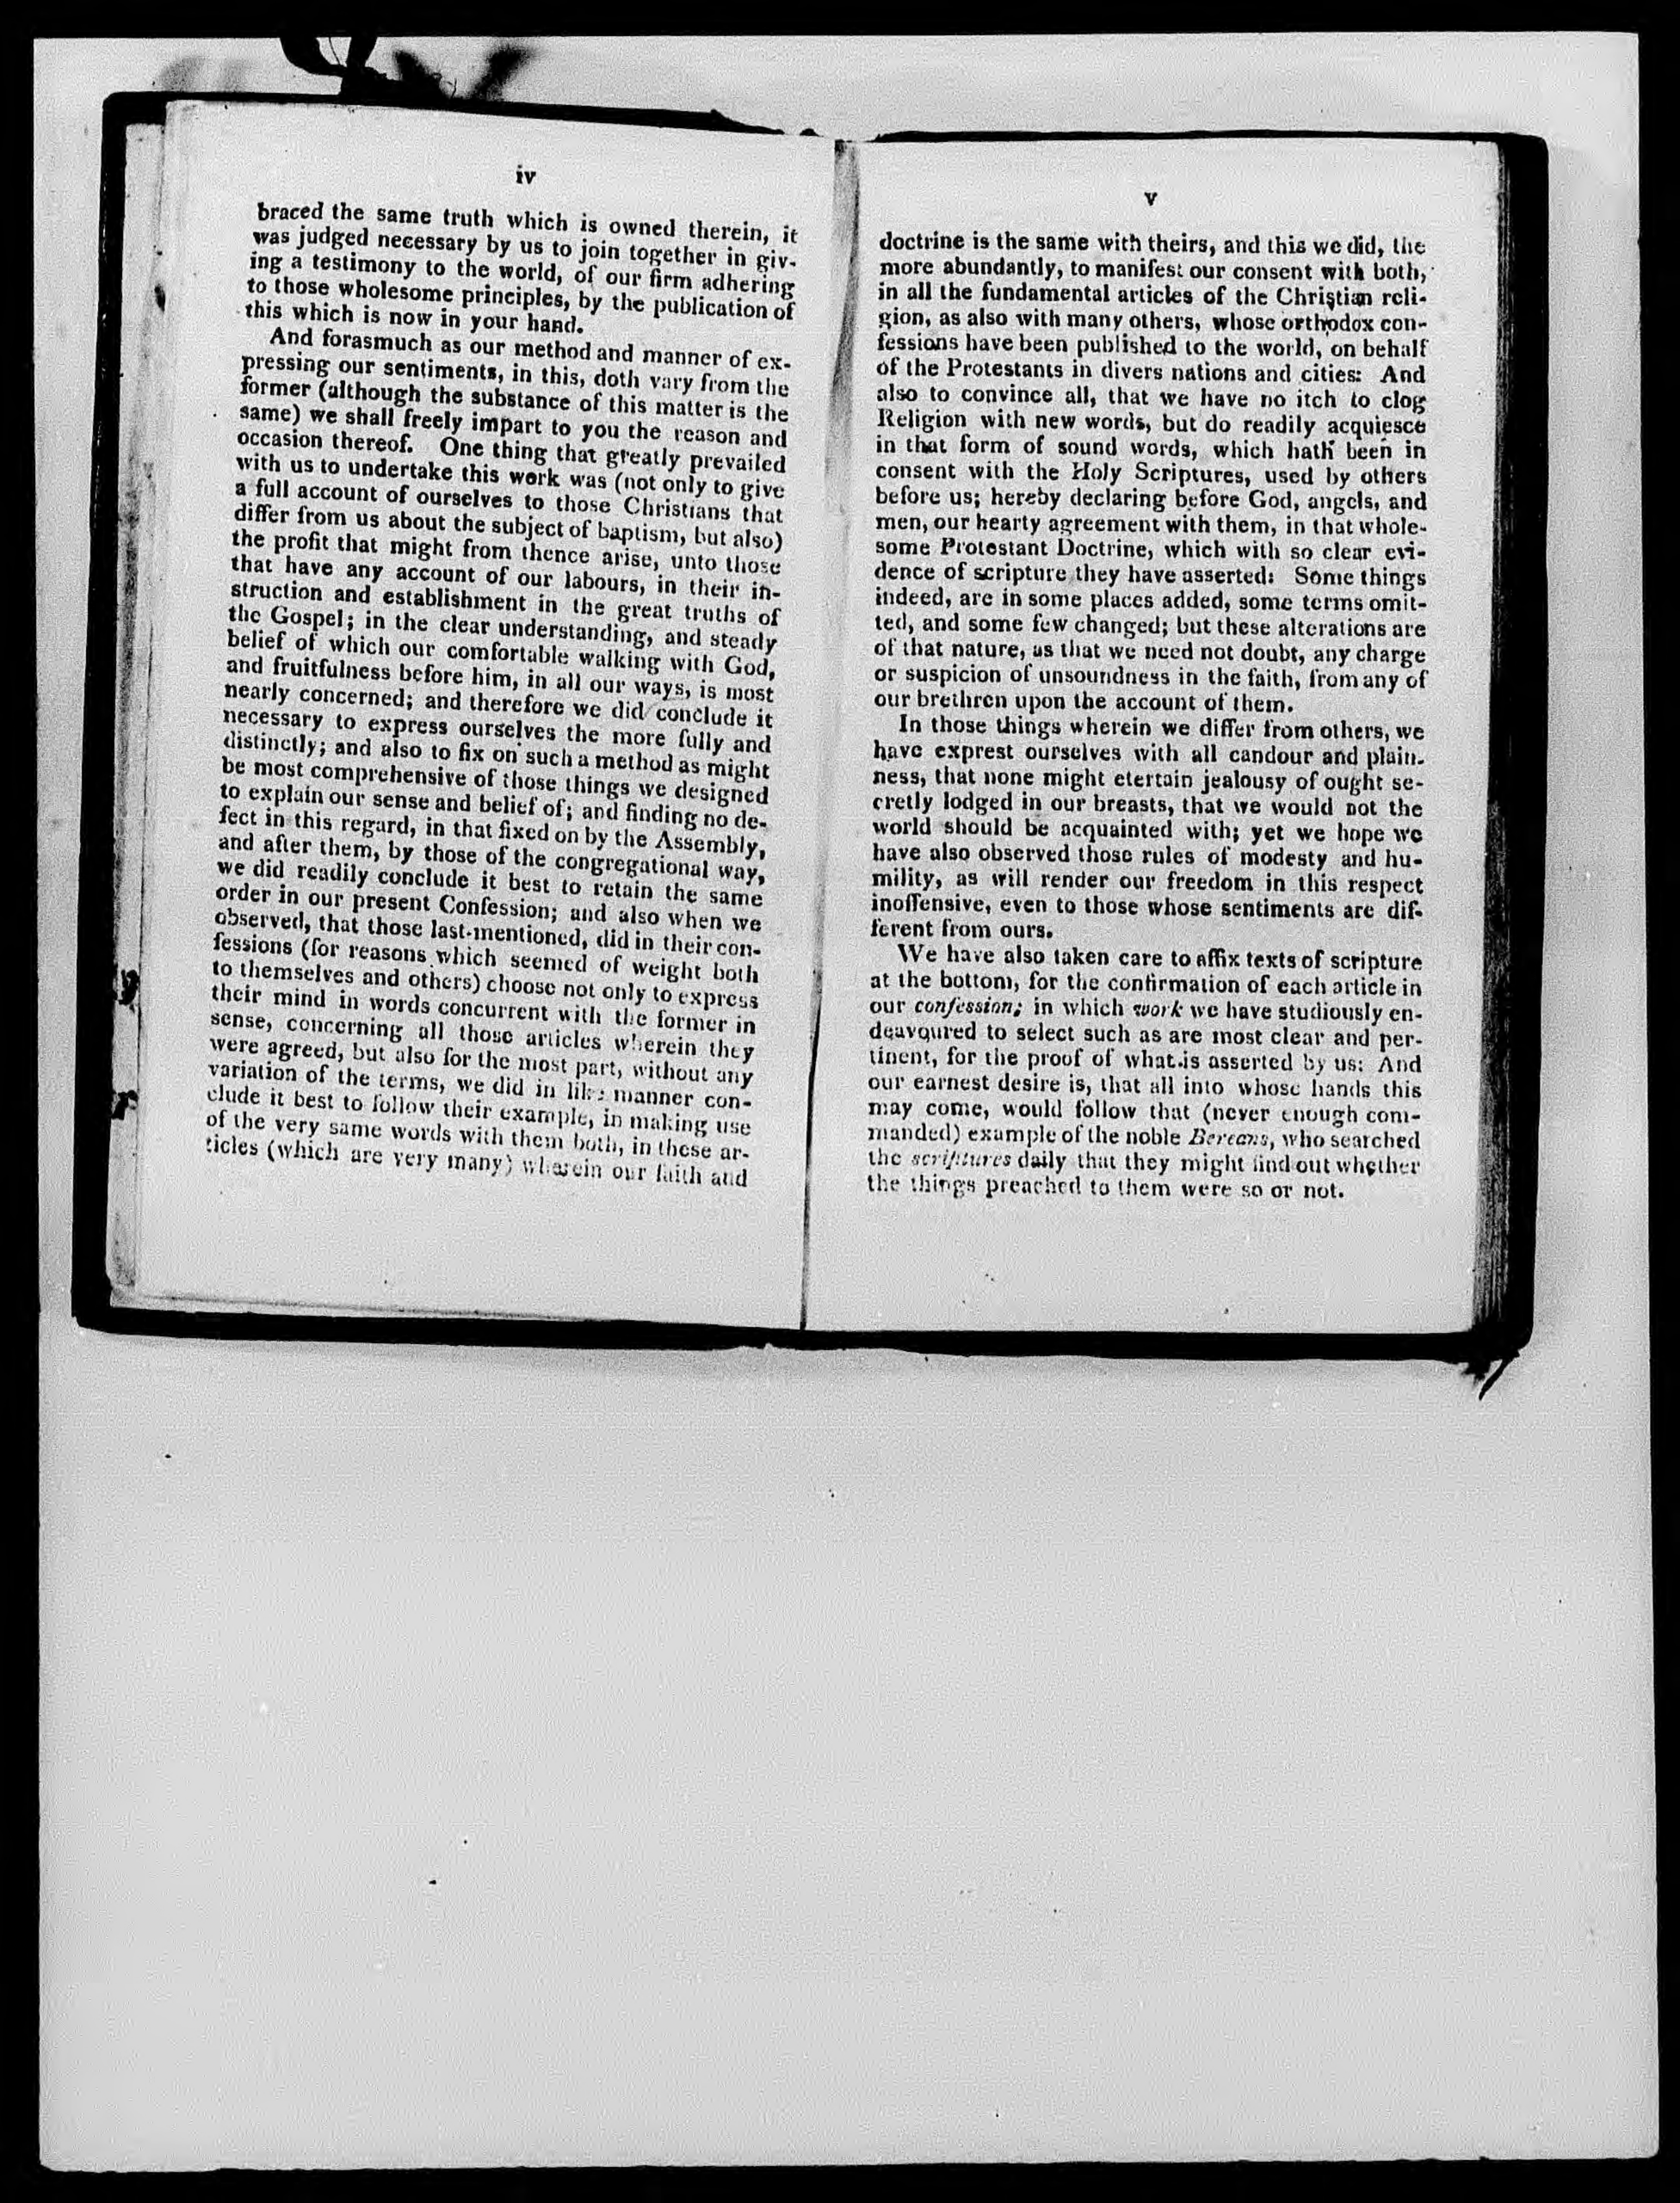iv
braced the same truth which is owned therein, it
was judged necessary by us to join together in giving
a testimony to the world of our firm adhering
to those wholesome principles, by the publication of
this which is now in your hand.

And forasmuch as our method and manner of expressing
our sentiments, in this, doth vary from the
former (although the substance of this matter is the same)
we shall freely impart to you the reason and
occasion thereof. One thing that greatly prevailed
with us to undertake this work was (not only to give
a full account of ourselves to those Christians that
differ from us about the subject of baptism, but also)
the profit that might from thence arise, unto those
that have any account of our labours, in their instruction
and establishment in the great truths of
the Gospel; in the clear understanding, and steady
belief of which our comfortable walking with God,
and fruitfulness before him, in all our ways, is most
nearly concerned; and therefore we did conclude it
necessary to express ourselves the more fully and
distinctly; and also to fix on such a method as might
be most comprehensive of those things we designed
to explain our sense and belief of; and finding no defect
in this regard, in that fixed on by the Assembly,
and after them, by those of the congregational way,
we did readily conclude it best to retain the same
order in our present Confession; and also when we
observed, that these last-mentioned, did in their confessions (for reasons which seemed of weight both
to themselves and others) choose not only to express
their mind in words concurrent with the former in
sense, concerning all those articles wherein they
were agreed, but also for the most part, without any
variation of the terms, we did in like manner conclude
it best to follow their example, in making use
of the very same words with them both, in these ar-
ticles (which are very many) wherein our faith and
                                             V
doctrine is the same with theirs, and this we did, the
more abundantly, to manifest our consent with both,
in all the fundamental articles of the Christian reli
gion, as also with many others, whose orthodox con
fessions have been published to the world, on behalf
of the Protestants in divers nations and cities: And
also to convince all, that we have no itch to clog
Religion with new words, but do readily acquiesce
in that form of sound words, which hath been in
consent with the Holy Scriptures, used by others
before us; hereby declaring before God, angels, and
men, our hearty agreement with them, in that wholesome
Protestant Doctrine, which with so clear evidence
of scripture they have asserted. Some things
indeed, are in some places added, some terms omit
ted, and some few changed; but these alterations are
of that nature, as that we need not doubt, any charge
or suspicion of unsoundness in the faith, from any of
our brethren upon the account of them.

In those things wherein we differ from others, we
have exprest ourselves with all candour and plain.
ness, that none might etertain jealousy of ought secretly
lodged in our breasts, that we would not the
world should be acquainted with; yet we hope we
have also observed those rules of modesty and humility
, as will render our freedom in this respect
inoffensive, even to those whose sentiments are different
from ours.

We have also taken care to affix texts of scripture
at the bottom, for the confirmation of each article in
our confession; in which work we have studiously endeavoured to select such as are most clear and per-
ment, for the proof of what is asserted by us: And
our earnest desire is, that all into whose hands this
may come, would follow that (never enough com
manded) example of the noble Bereans, who searched
the scriptures daily that they might find out whether
the things preached to them were so or not.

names: Noble Bercans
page: 14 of 98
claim: widow's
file: W. 8398, William Broadway, S.C.